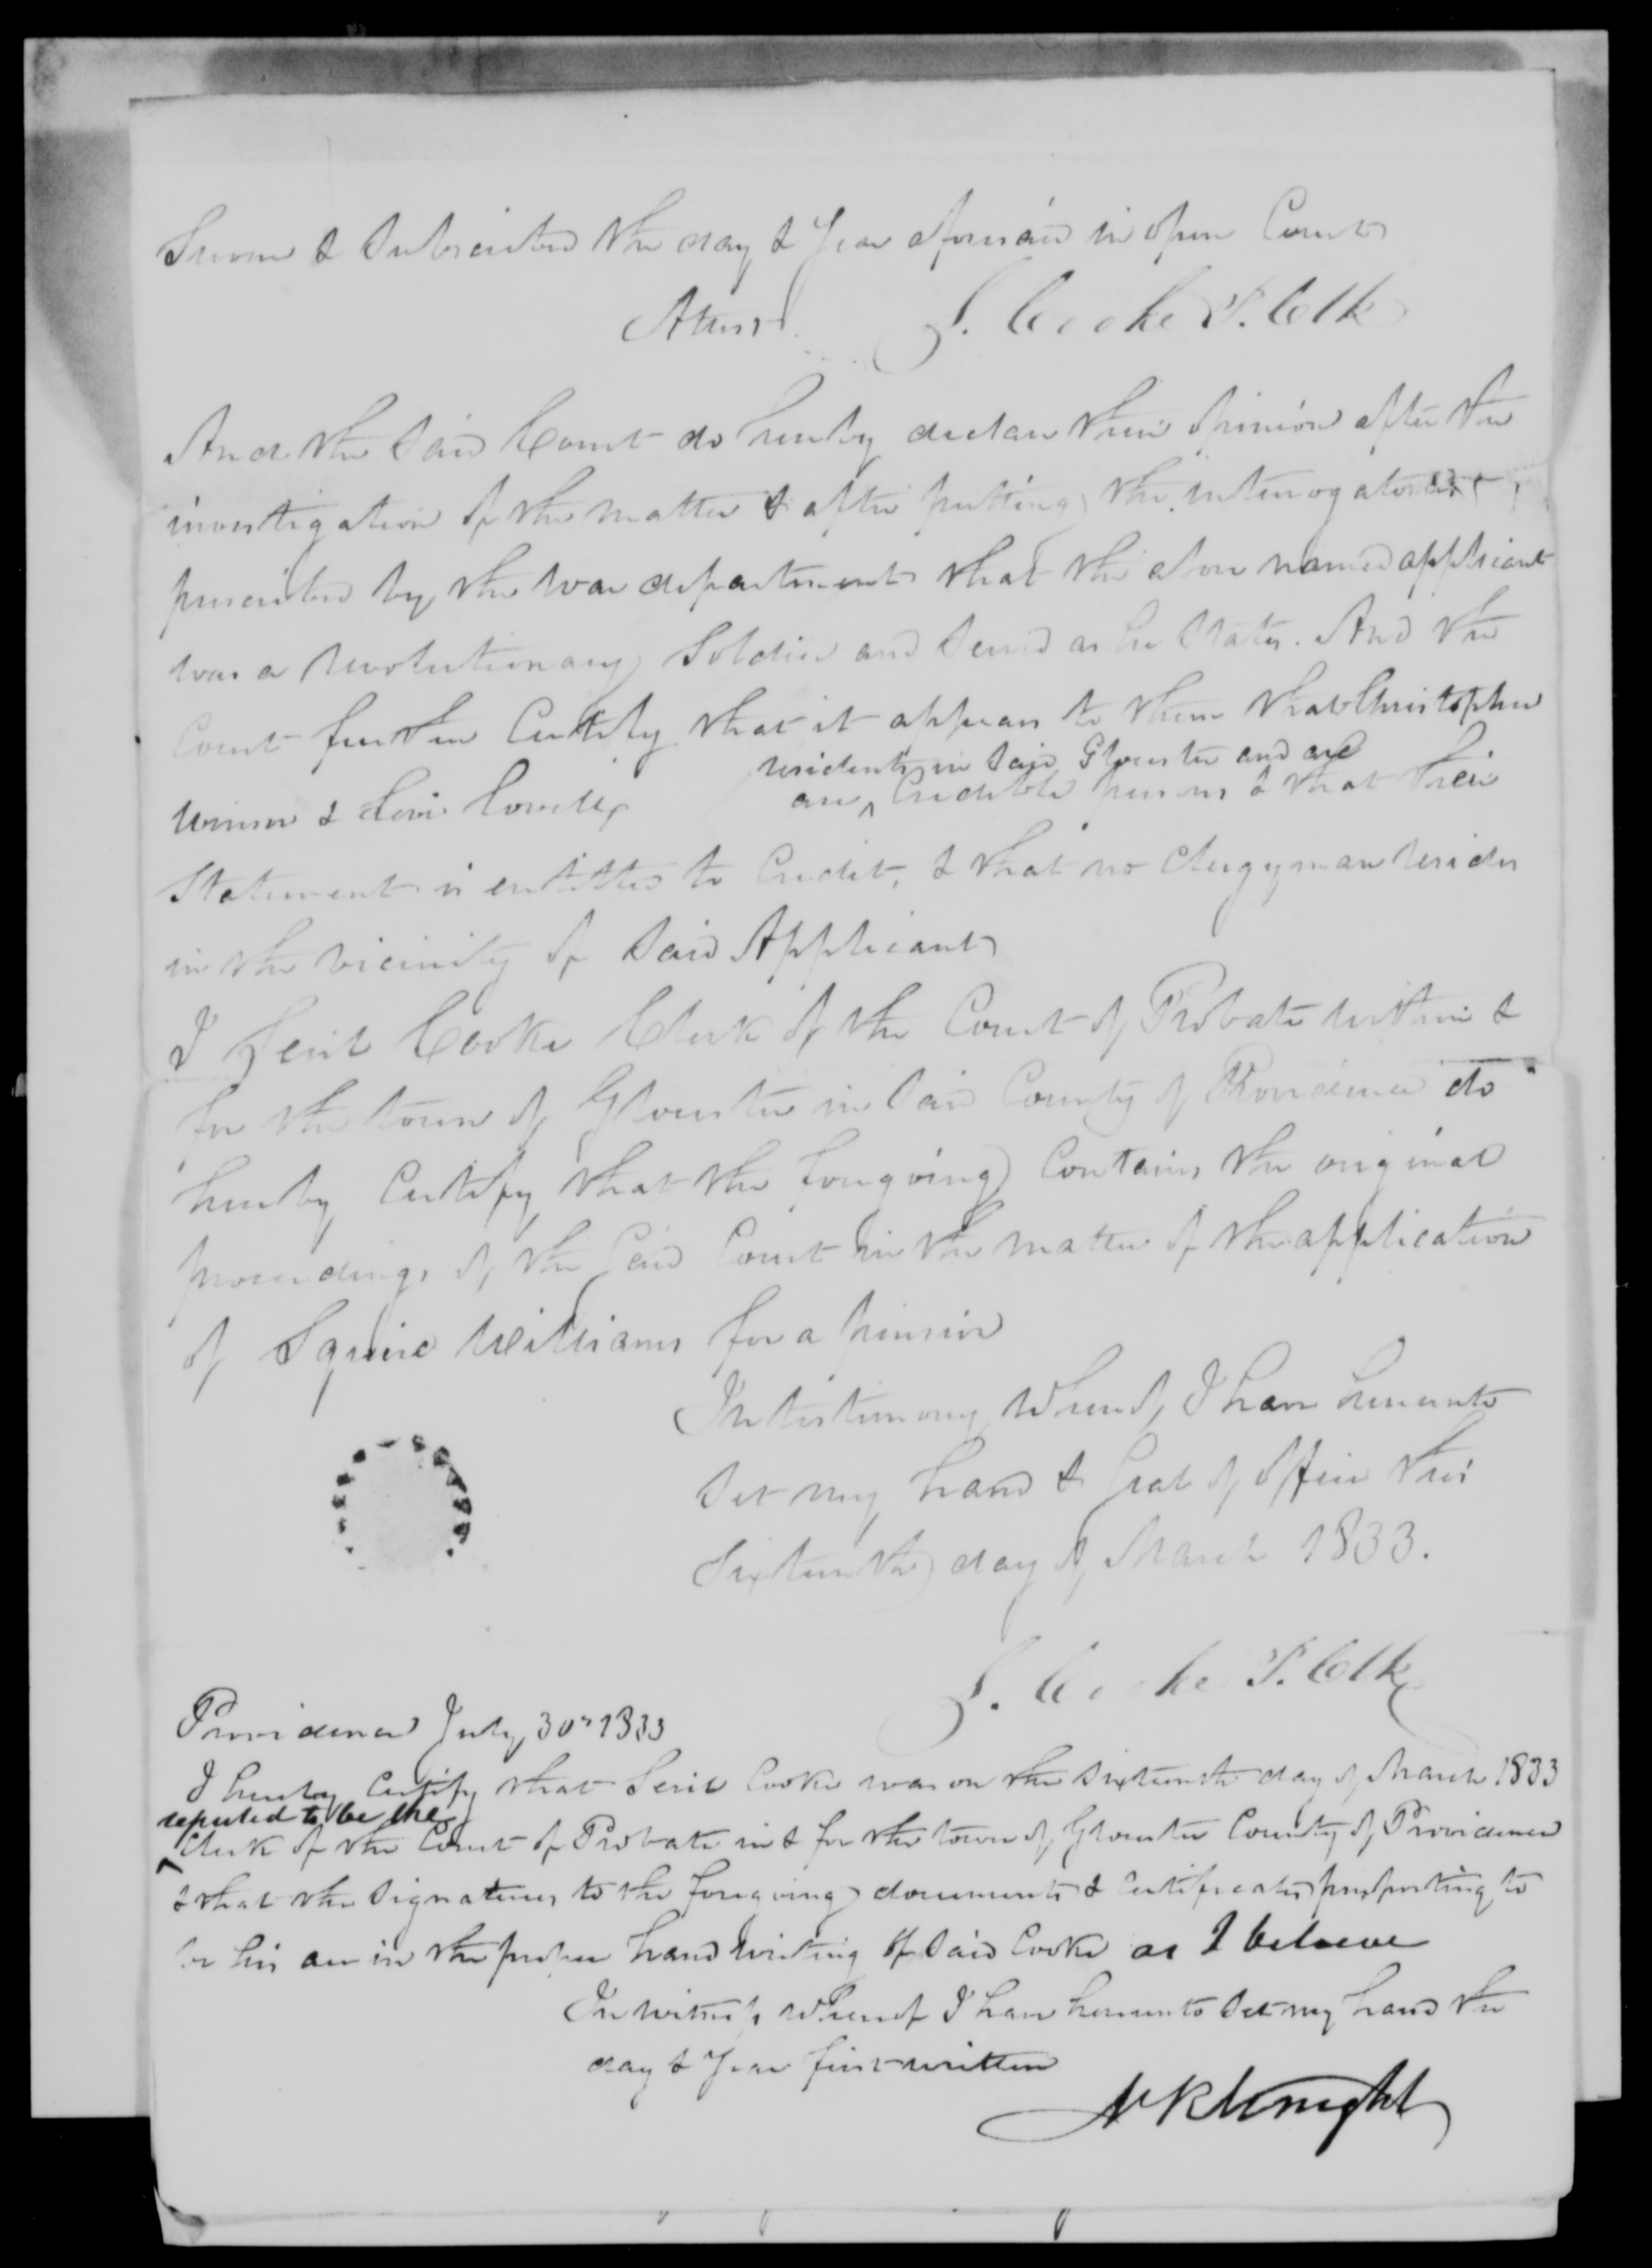Sworn & Subscribed the day & year aforesaid in open Court
(Illegible) S. Cooke P. Clk
And the said Court do hereby declare their opinion after the investigation of the matter & after putting the interrogator
prescribed by the war department that the afore named applicant was a revolutionary soldier and served as he states. And the
Court further certify that it appears to them that Chistopher Winsor & Levi Covell are (caret mark) residents in said Glouster and are credible persons & that their statement is entitled to credit, & that no Clergyman resides
in the vicinity of said Applicant
I sent Cooke Clerk of the Court of Probate within & in the town of Glouster in said County of Providence to hereby certify that the foregoing contains the original
proceeding to the said Court in the matter of the application of Squire Williams for a pension

In testimony whereof, I have hereunto
set my hand & seal of office this
Sixteenth day of March 1833.

S. Cooke P. Clk

Providence July 30 1333

I hereby certify that Seril Cook was on the sixteenth day of March 1833 (caret mark)
reputed to be the clerk of the Cour of Probate in & for the town of Glouster County of Providence & that the signatures to the foregoing documents & certificates purporting to be his are in the proper hand writing of said Cooke as I believe

In witness whereof I have hereunto set my hand the day & year first written
McKnight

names: N R Knight, Levi Cooke, Levi W Cooke, L Cooke, Christopher Winns, Squire Williams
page: 8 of 23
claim: survivor's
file: S. 21576, Squire Williams, R. I.